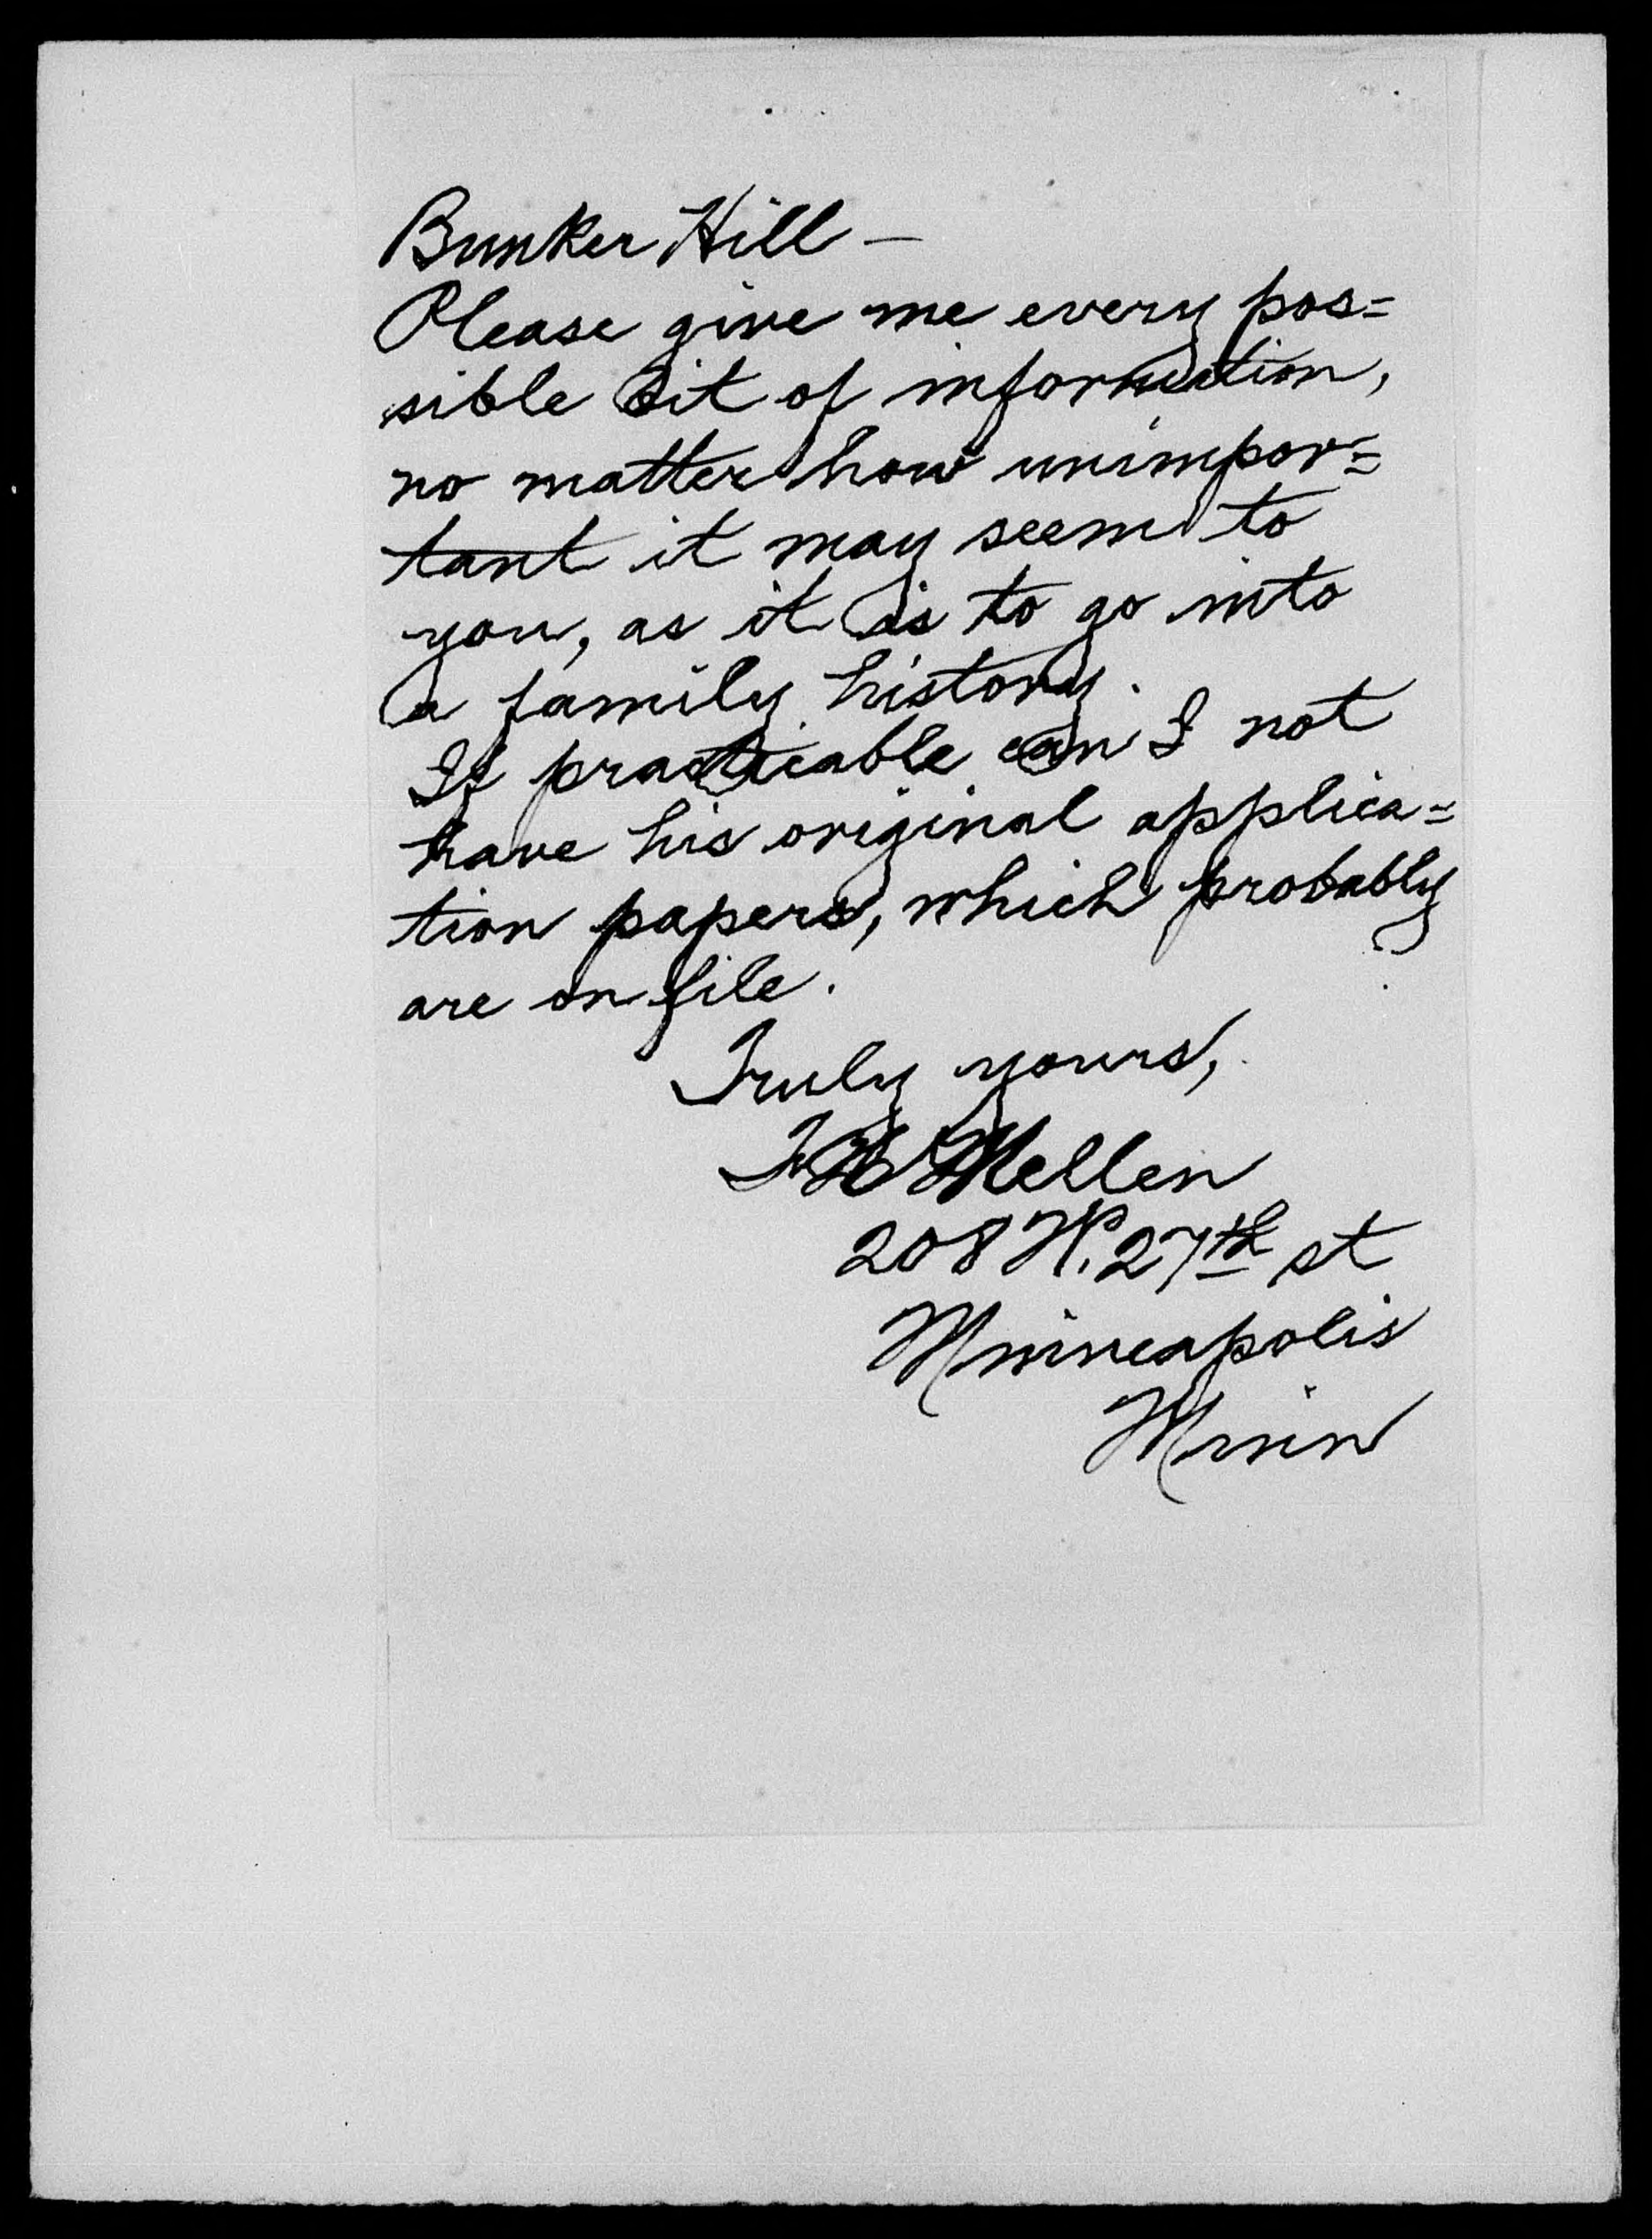Bunker Hill - 

Please give me every possible bit of information, not matter how unimportant it may seem to you, as it is to into a family history. 

If practicable can I not have his original application papers, which probably are on file. 

Truly yours, 
T.H. Mellen
208 W. 27th St. 
Minneapolis
Minn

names: T H Mellen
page: 43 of 68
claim: survivor's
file: S. 29,877, Daniel Harris, Mass.